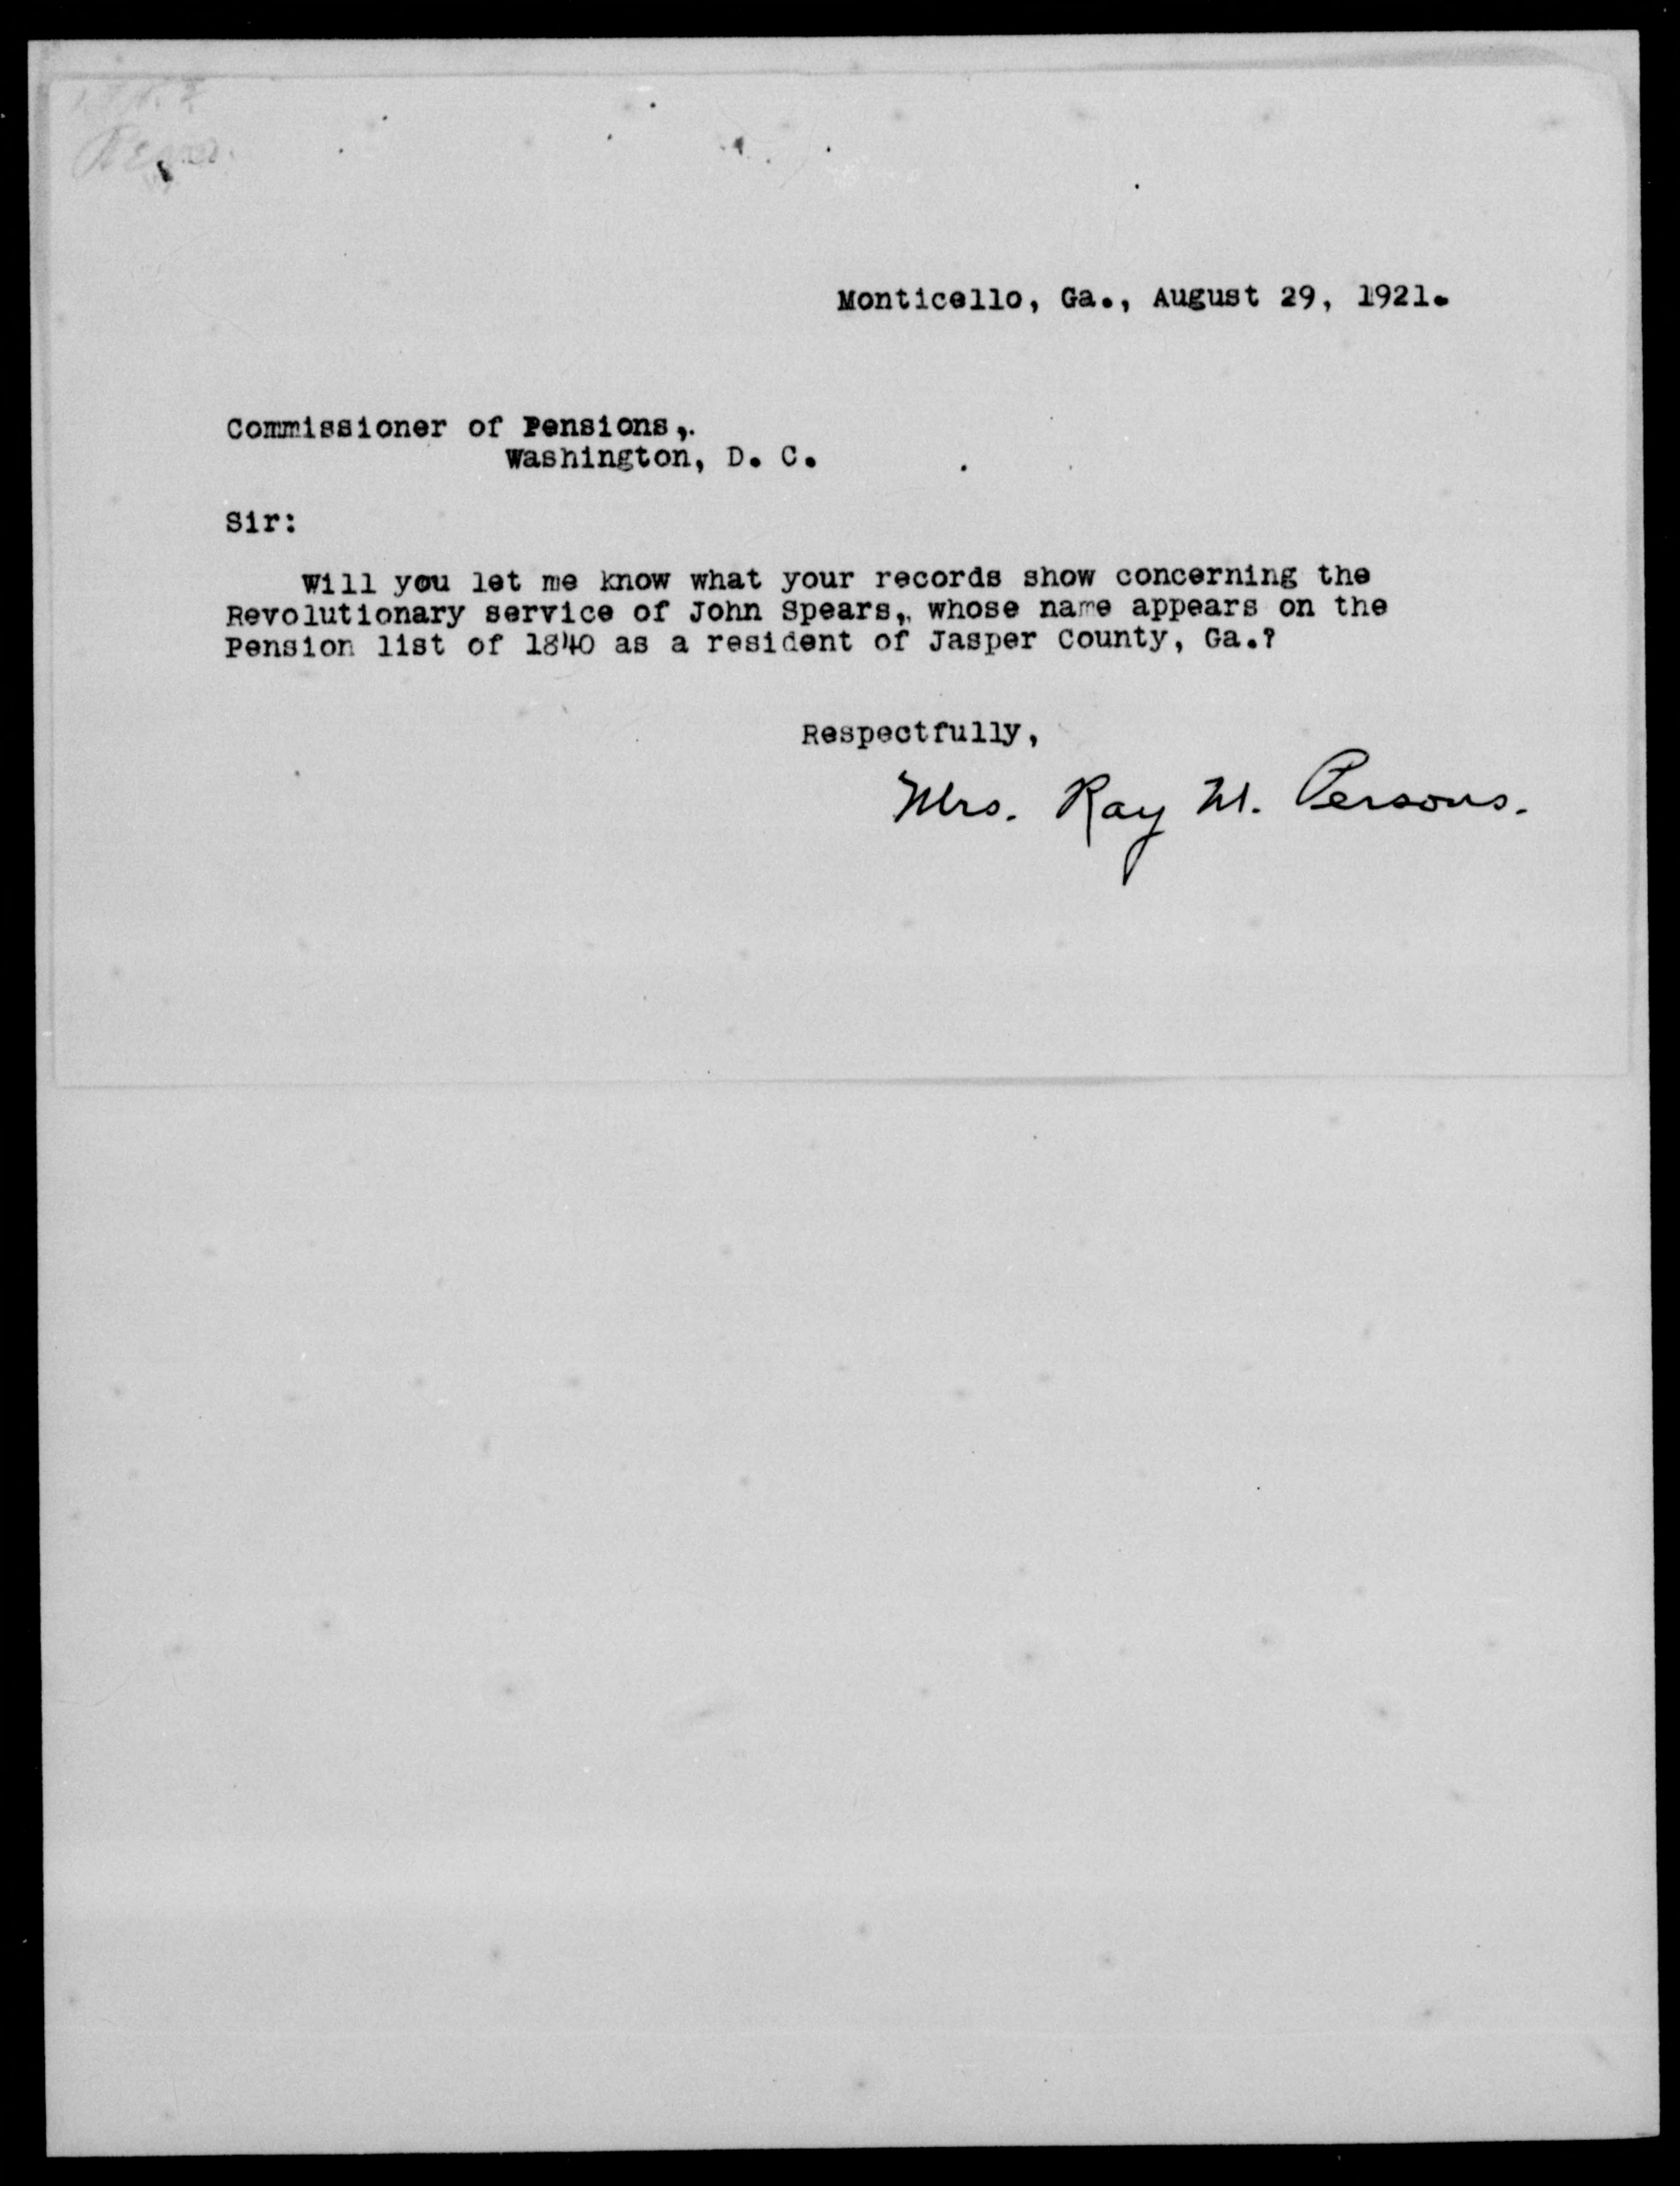[illegible]
Revwar

Monticello, Ga., August 29, 1921.
Commissioner of Pensions,
Washington, D. C.

Sir:
Will you let me know what your records show concerning the Revolutionary service of John Spears, whose name appears on the Pension list of 1840 as a resident of Jasper County, Ga.?
Respectfully,
Mrs. Ray M. Persons.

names: Ray M Persons; John Spears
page: 3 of 12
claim: survivor's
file: S. 39851, for John Spears, Virginia